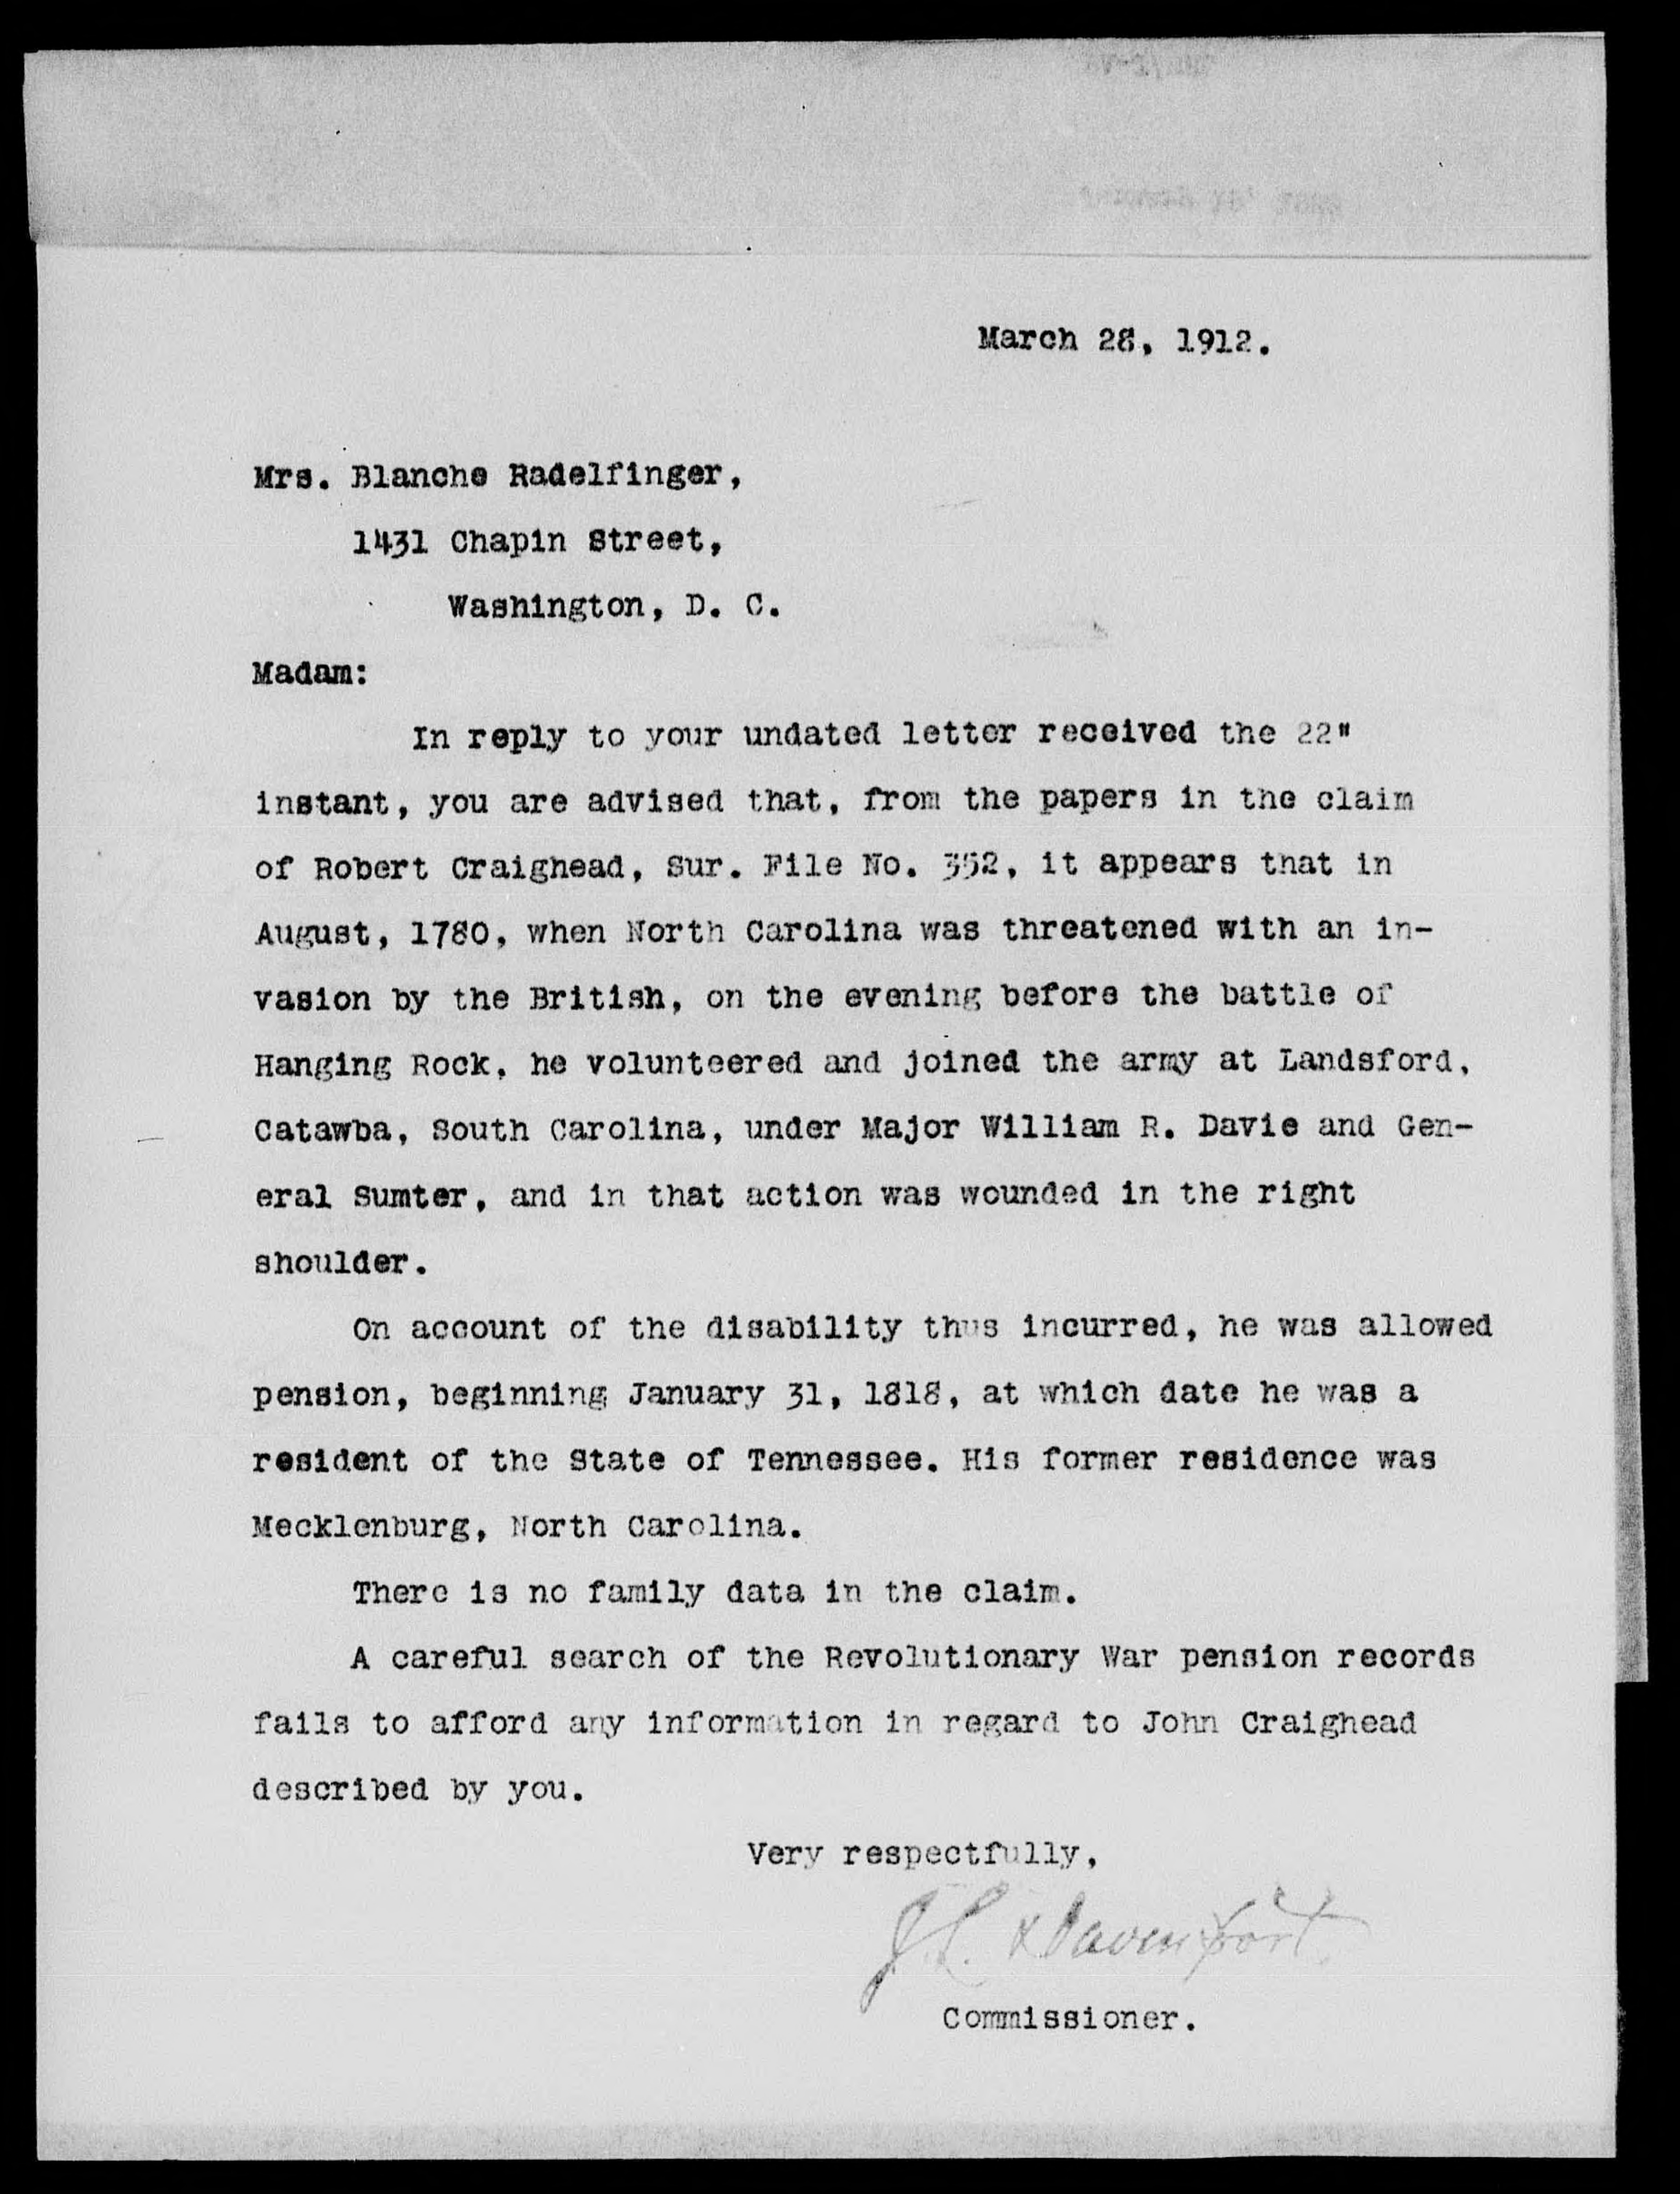March 28, 1912.
Mrs. Blanche Radelfinger,
1431 Chapin Street,
Washington, D. C.
Madam:
In reply to your undated letter received the 22"
instant, you are advised that, from the papers in the claim
of Robert Craighead, Sur. File No. 352, it appears that in
August, 1780, when North Carolina was threatened with an invasion
by the British, on the evening before the battle of
Hanging Rock, he volunteered and joined the army at Landsford,
Catawba, South Carolina, under Major William R. Davie and General Sumter, and in that action was wounded in the right
shoulder.
On account of the disability thus incurred, he was allowed
pension, beginning January 31, 1818, at which date he was a
resident of the State of Tennessee. His former residence was
Mecklenburg, North Carolina.
There is no family data in the claim.
A careful search of the Revolutionary War pension records
fails to afford any information in regard to John Craighead
described by you.
Very respectfully,
J. & Davenport
Commissioner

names: J L Davenport, Sumter, Blanche Radelfinger, John Craighead, William R Davie, Robert Craighead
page: 26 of 26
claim: survivor's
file: S. 352, Robert Craighead, N.C.